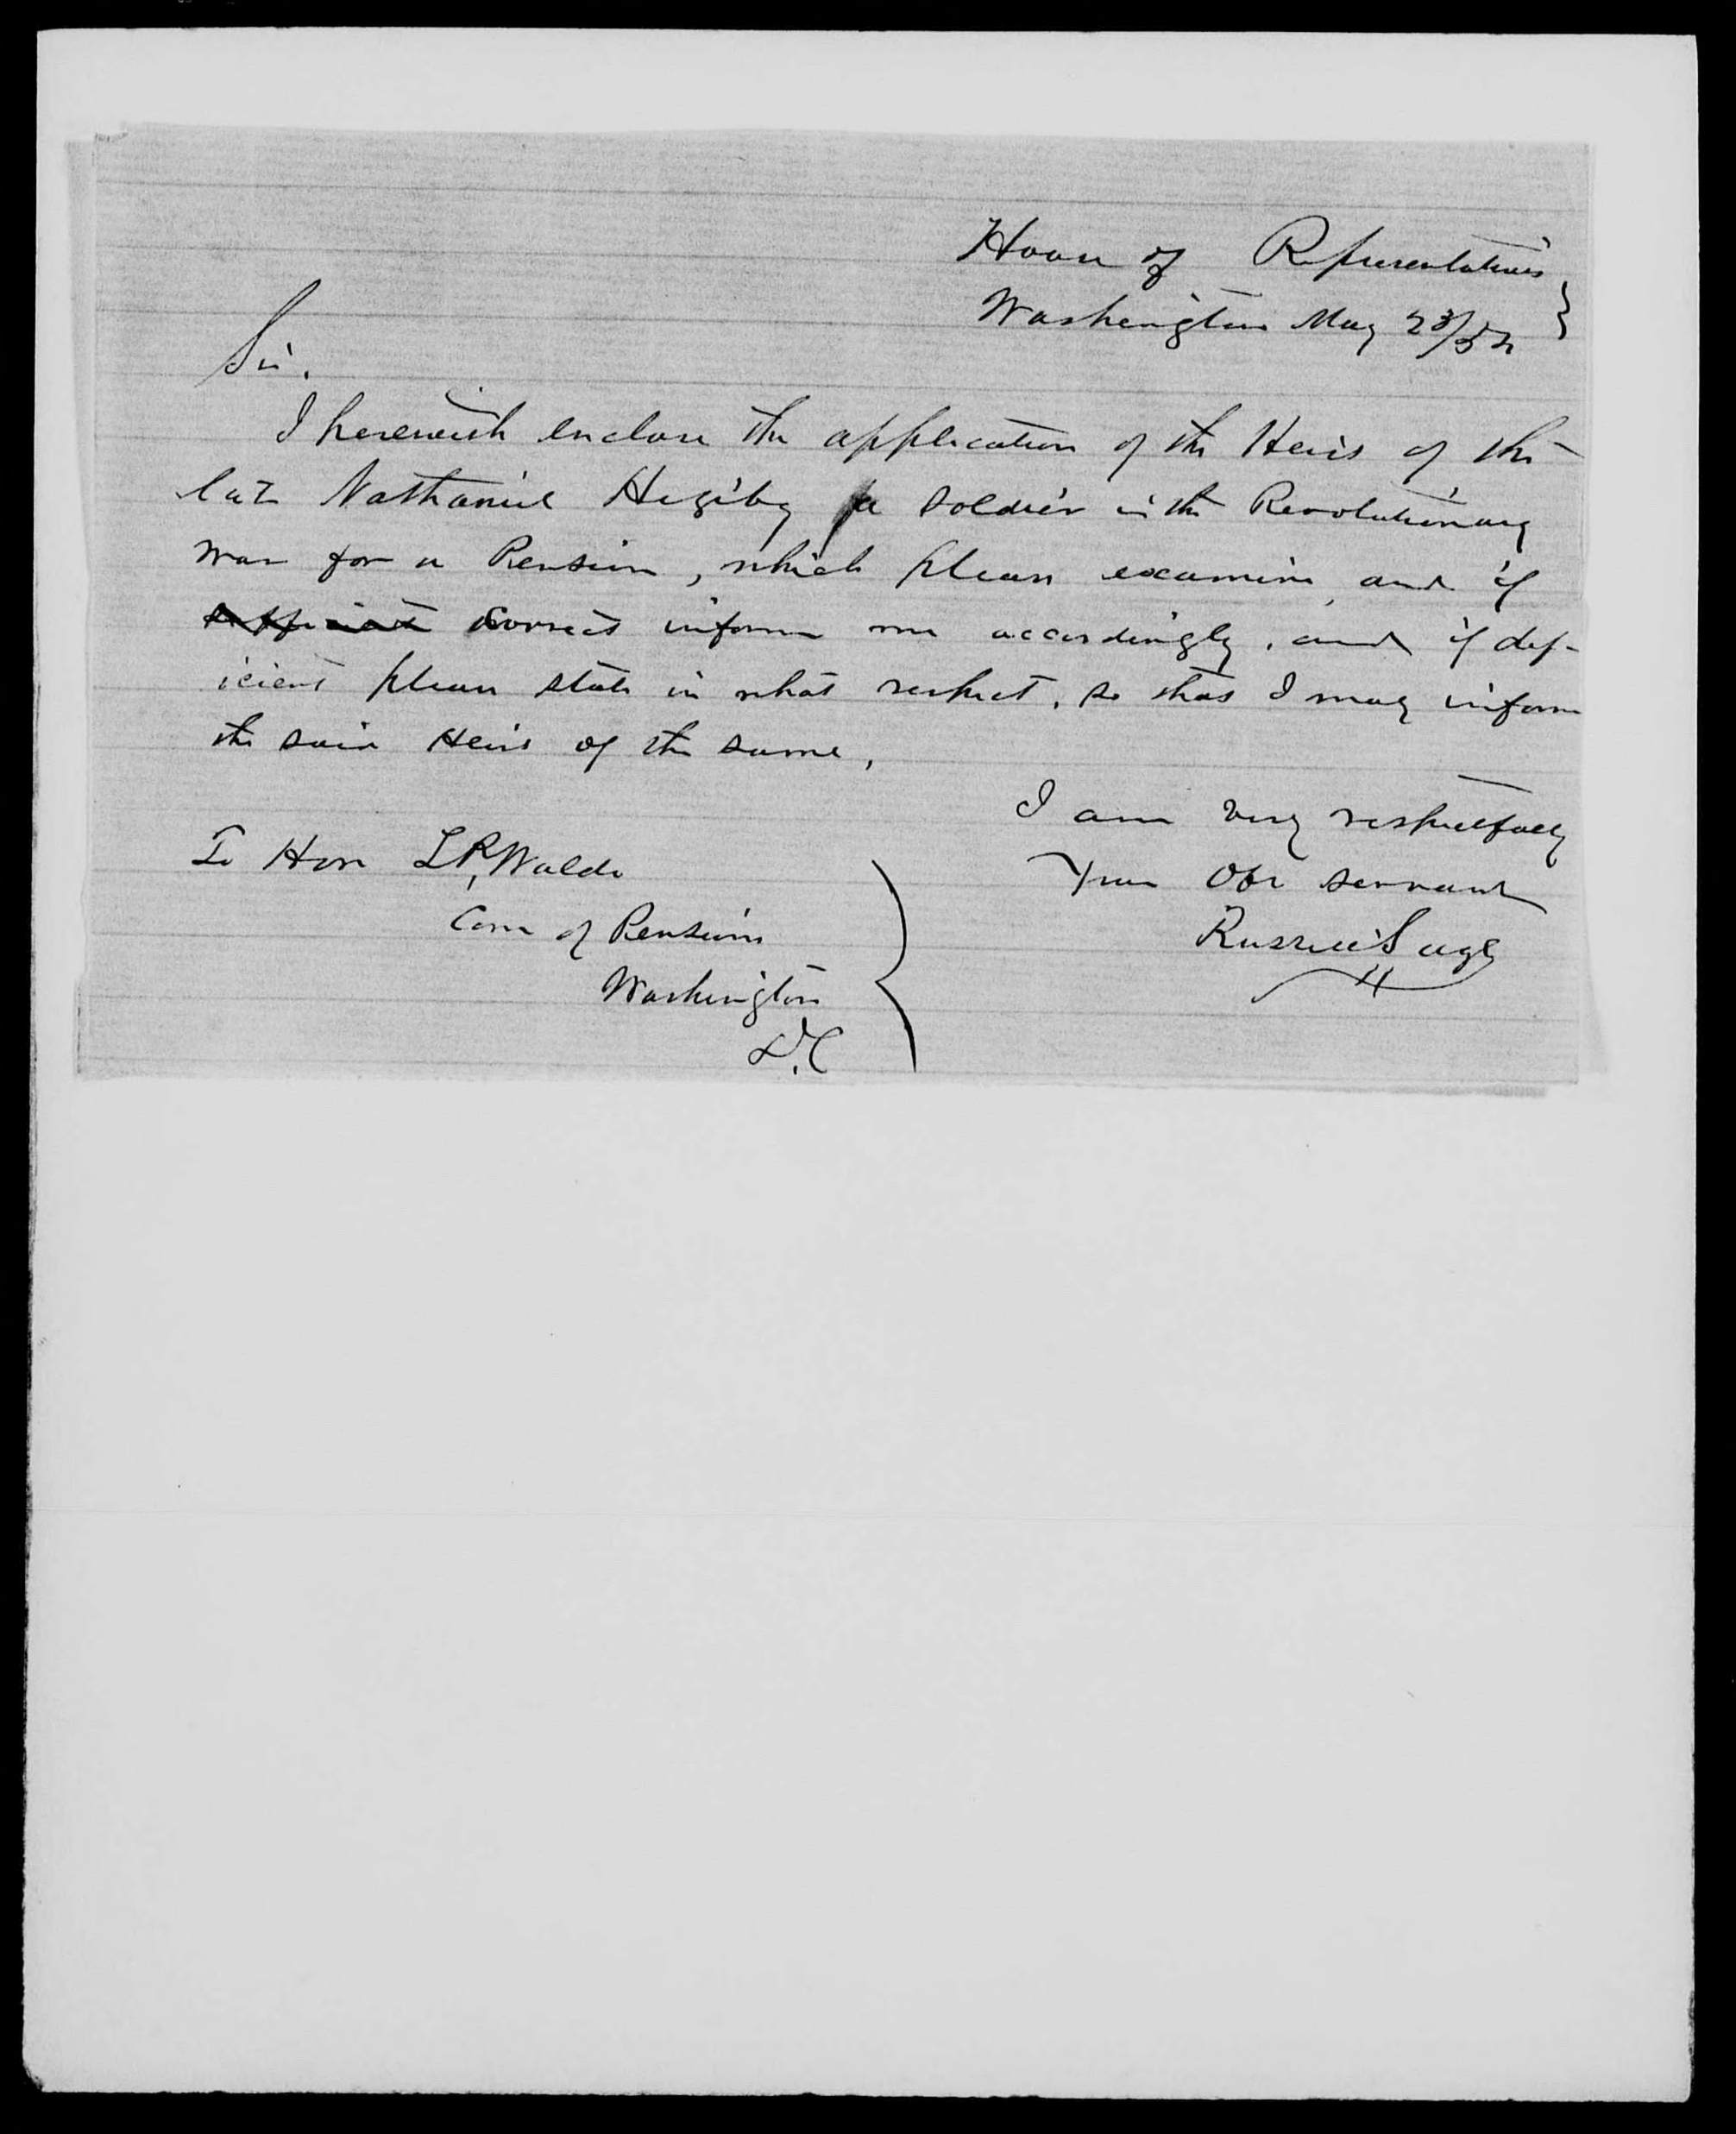House of Representatives
Washington May 20/[illegible]

Sir,
I herewith enclose the application of the Heirs of the late Nathaniel Higby a soldier in the Revolutionary war for a Pension, which please examine and if correct inform me accordingly, and if deficient please state in what respect, so that I may inform the said Heirs of the same.

I am very respectfully Your Obi servant
Russell Sage

L Hon LP, Waldo
Com of Pension
Washington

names: Russell Sage, L P Waldo, Nathaniel Higby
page: 22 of 25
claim: rejected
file: R. 4972, Nathaniel Higby, Conn.